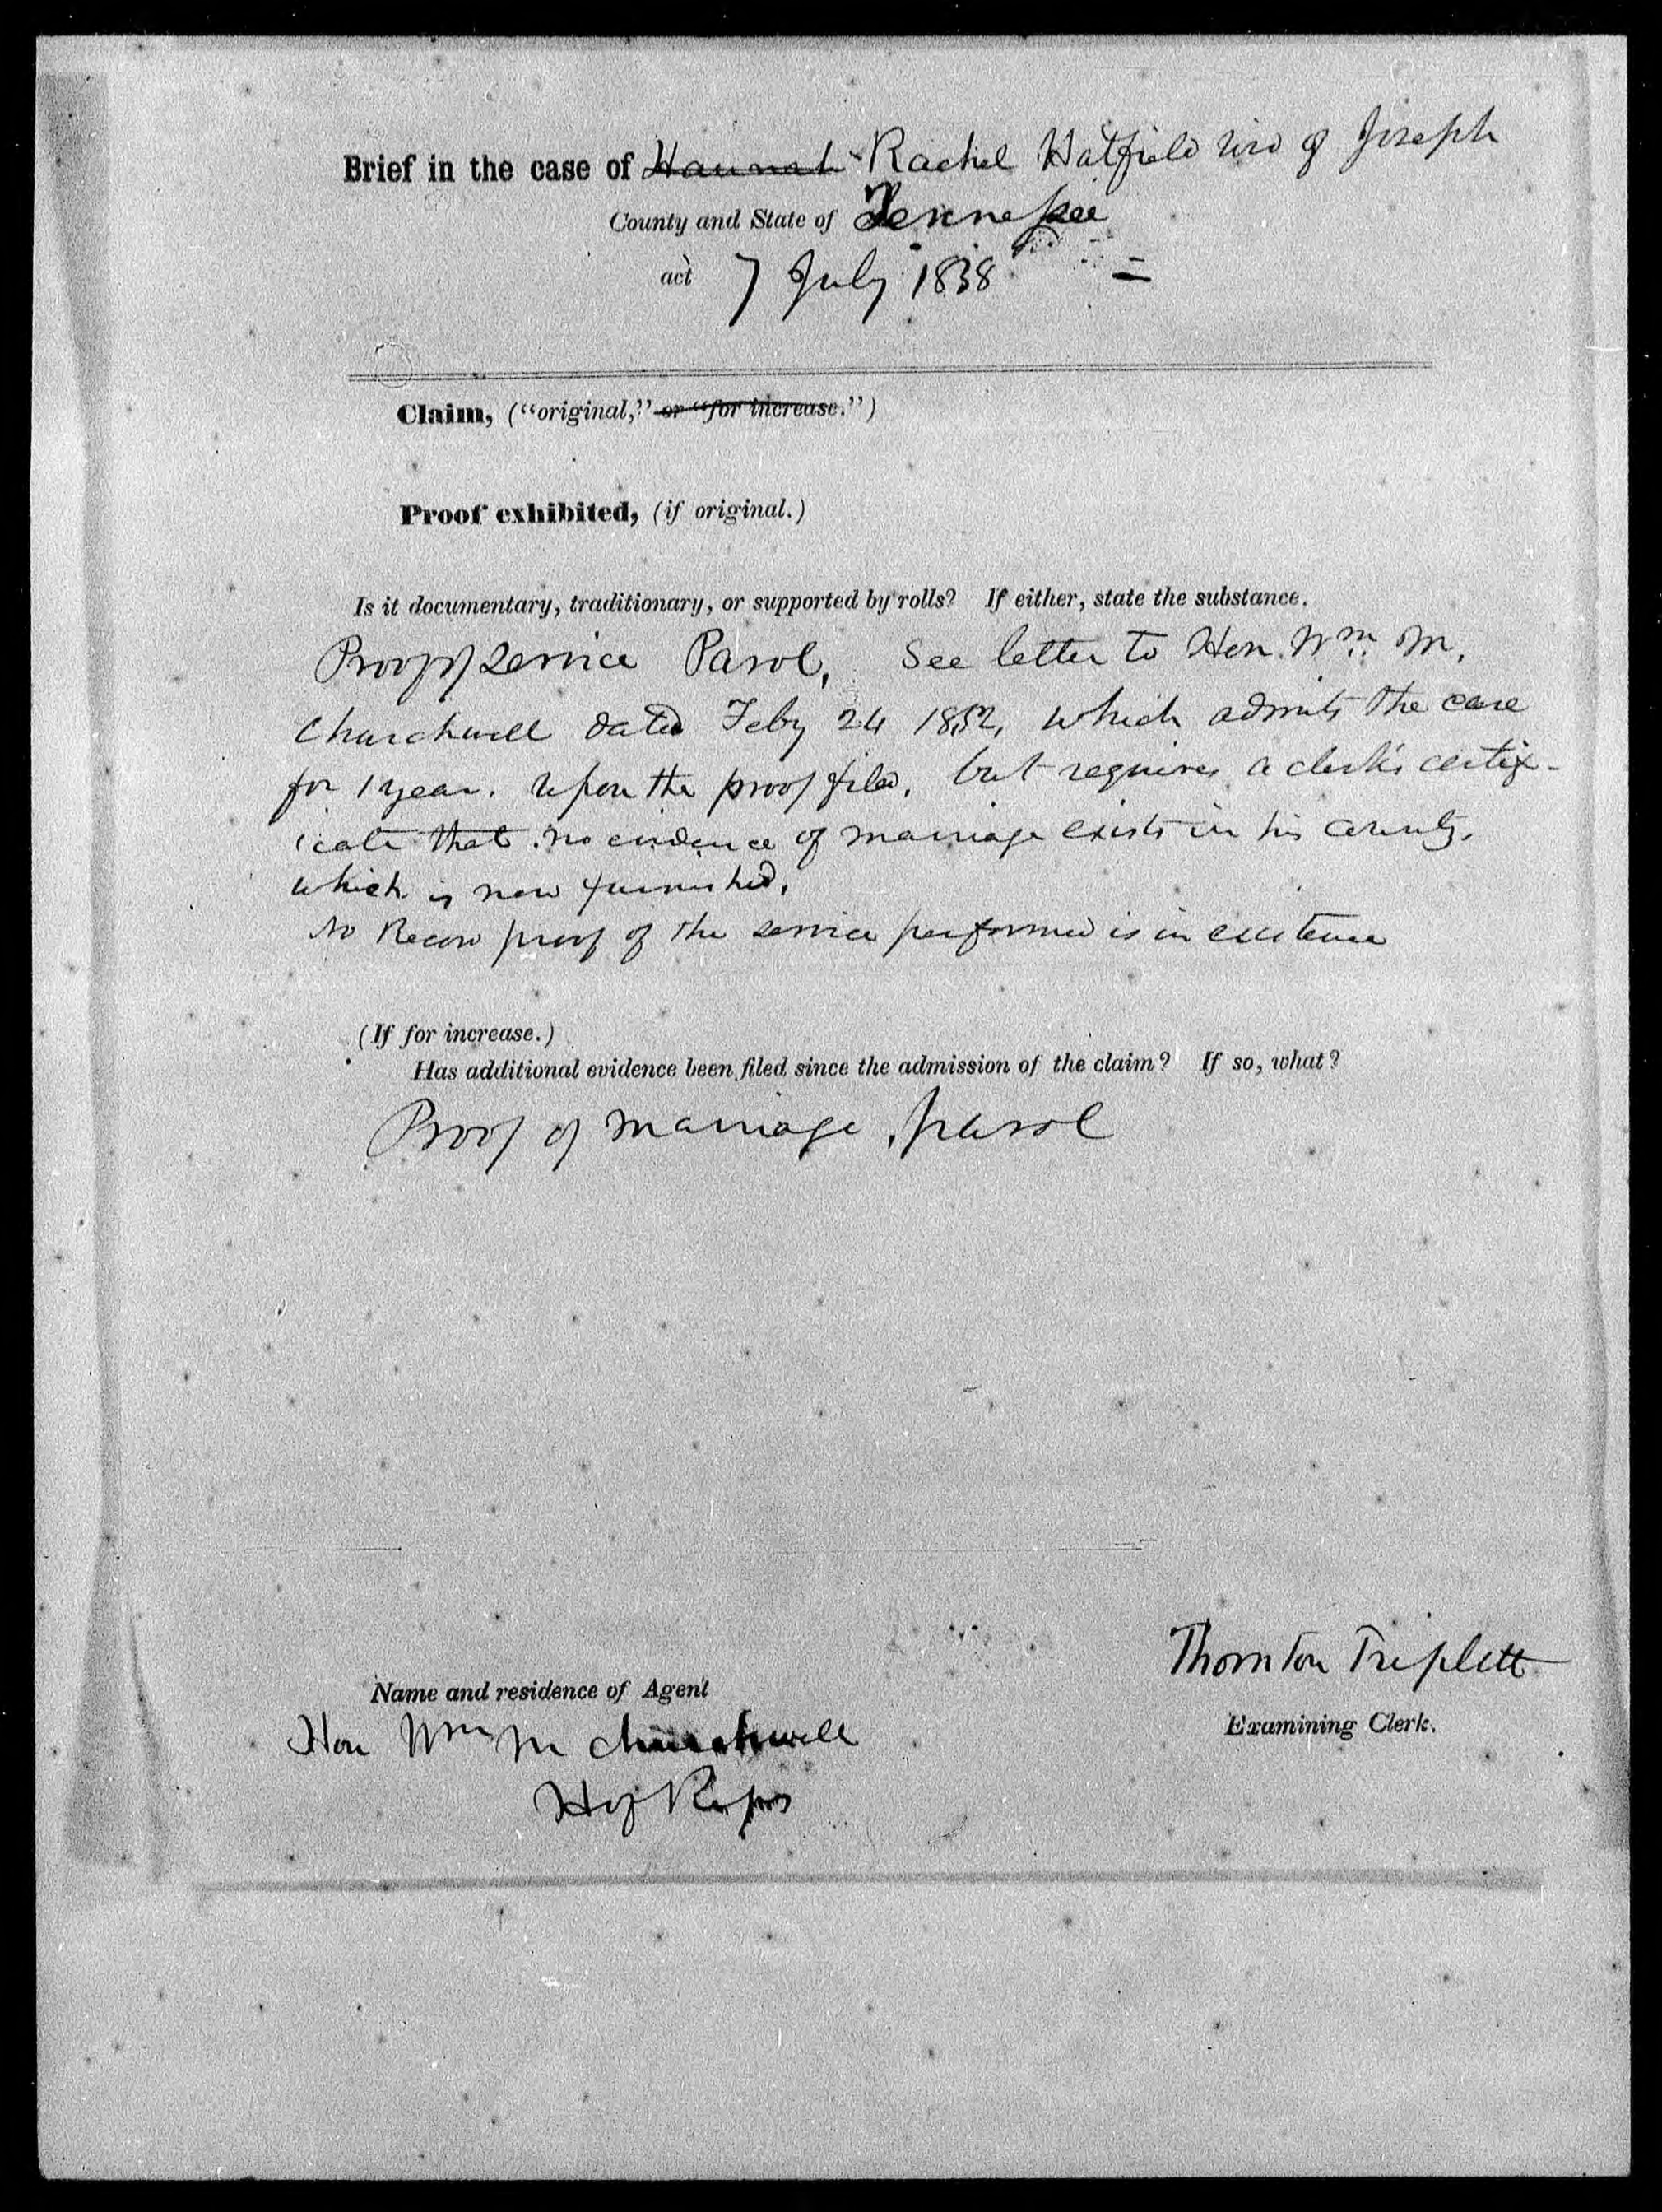Brief in the case of Rachel Hatfield wid of Joseph
County and State of Tennessee
act 7 July 1838

Claim, ("original")

Proof exhibited, (if original.)

Is it documentary, traditionary, or supported by rolls? If either, state the substance.
Proof of service Parol, See letter to Hon Wm. M Churchwell dated Feby 24 1852, which admits the case for 1 year. Upon the proof filed, but requires a clerk's certificate that no evidence of marriage exists in his County, which is now furnished.
No Record proof of the service performed is in existence

(If for increase.)
Has additional evidence been filed in the admission of the claim? If so, what?
Proof of marriage, parol

Thornton Triplett
Examining Clerk.
Name and residence of Agent
Hon Wm M Churchwell
H of Reps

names: Rachel Hatfield, Wm M Churchwell, Joseph Hatfield, Thornton Triplett, Wm M Churchwell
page: 38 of 74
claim: widow's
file: W. 5, Joseph Hatfield, Va.